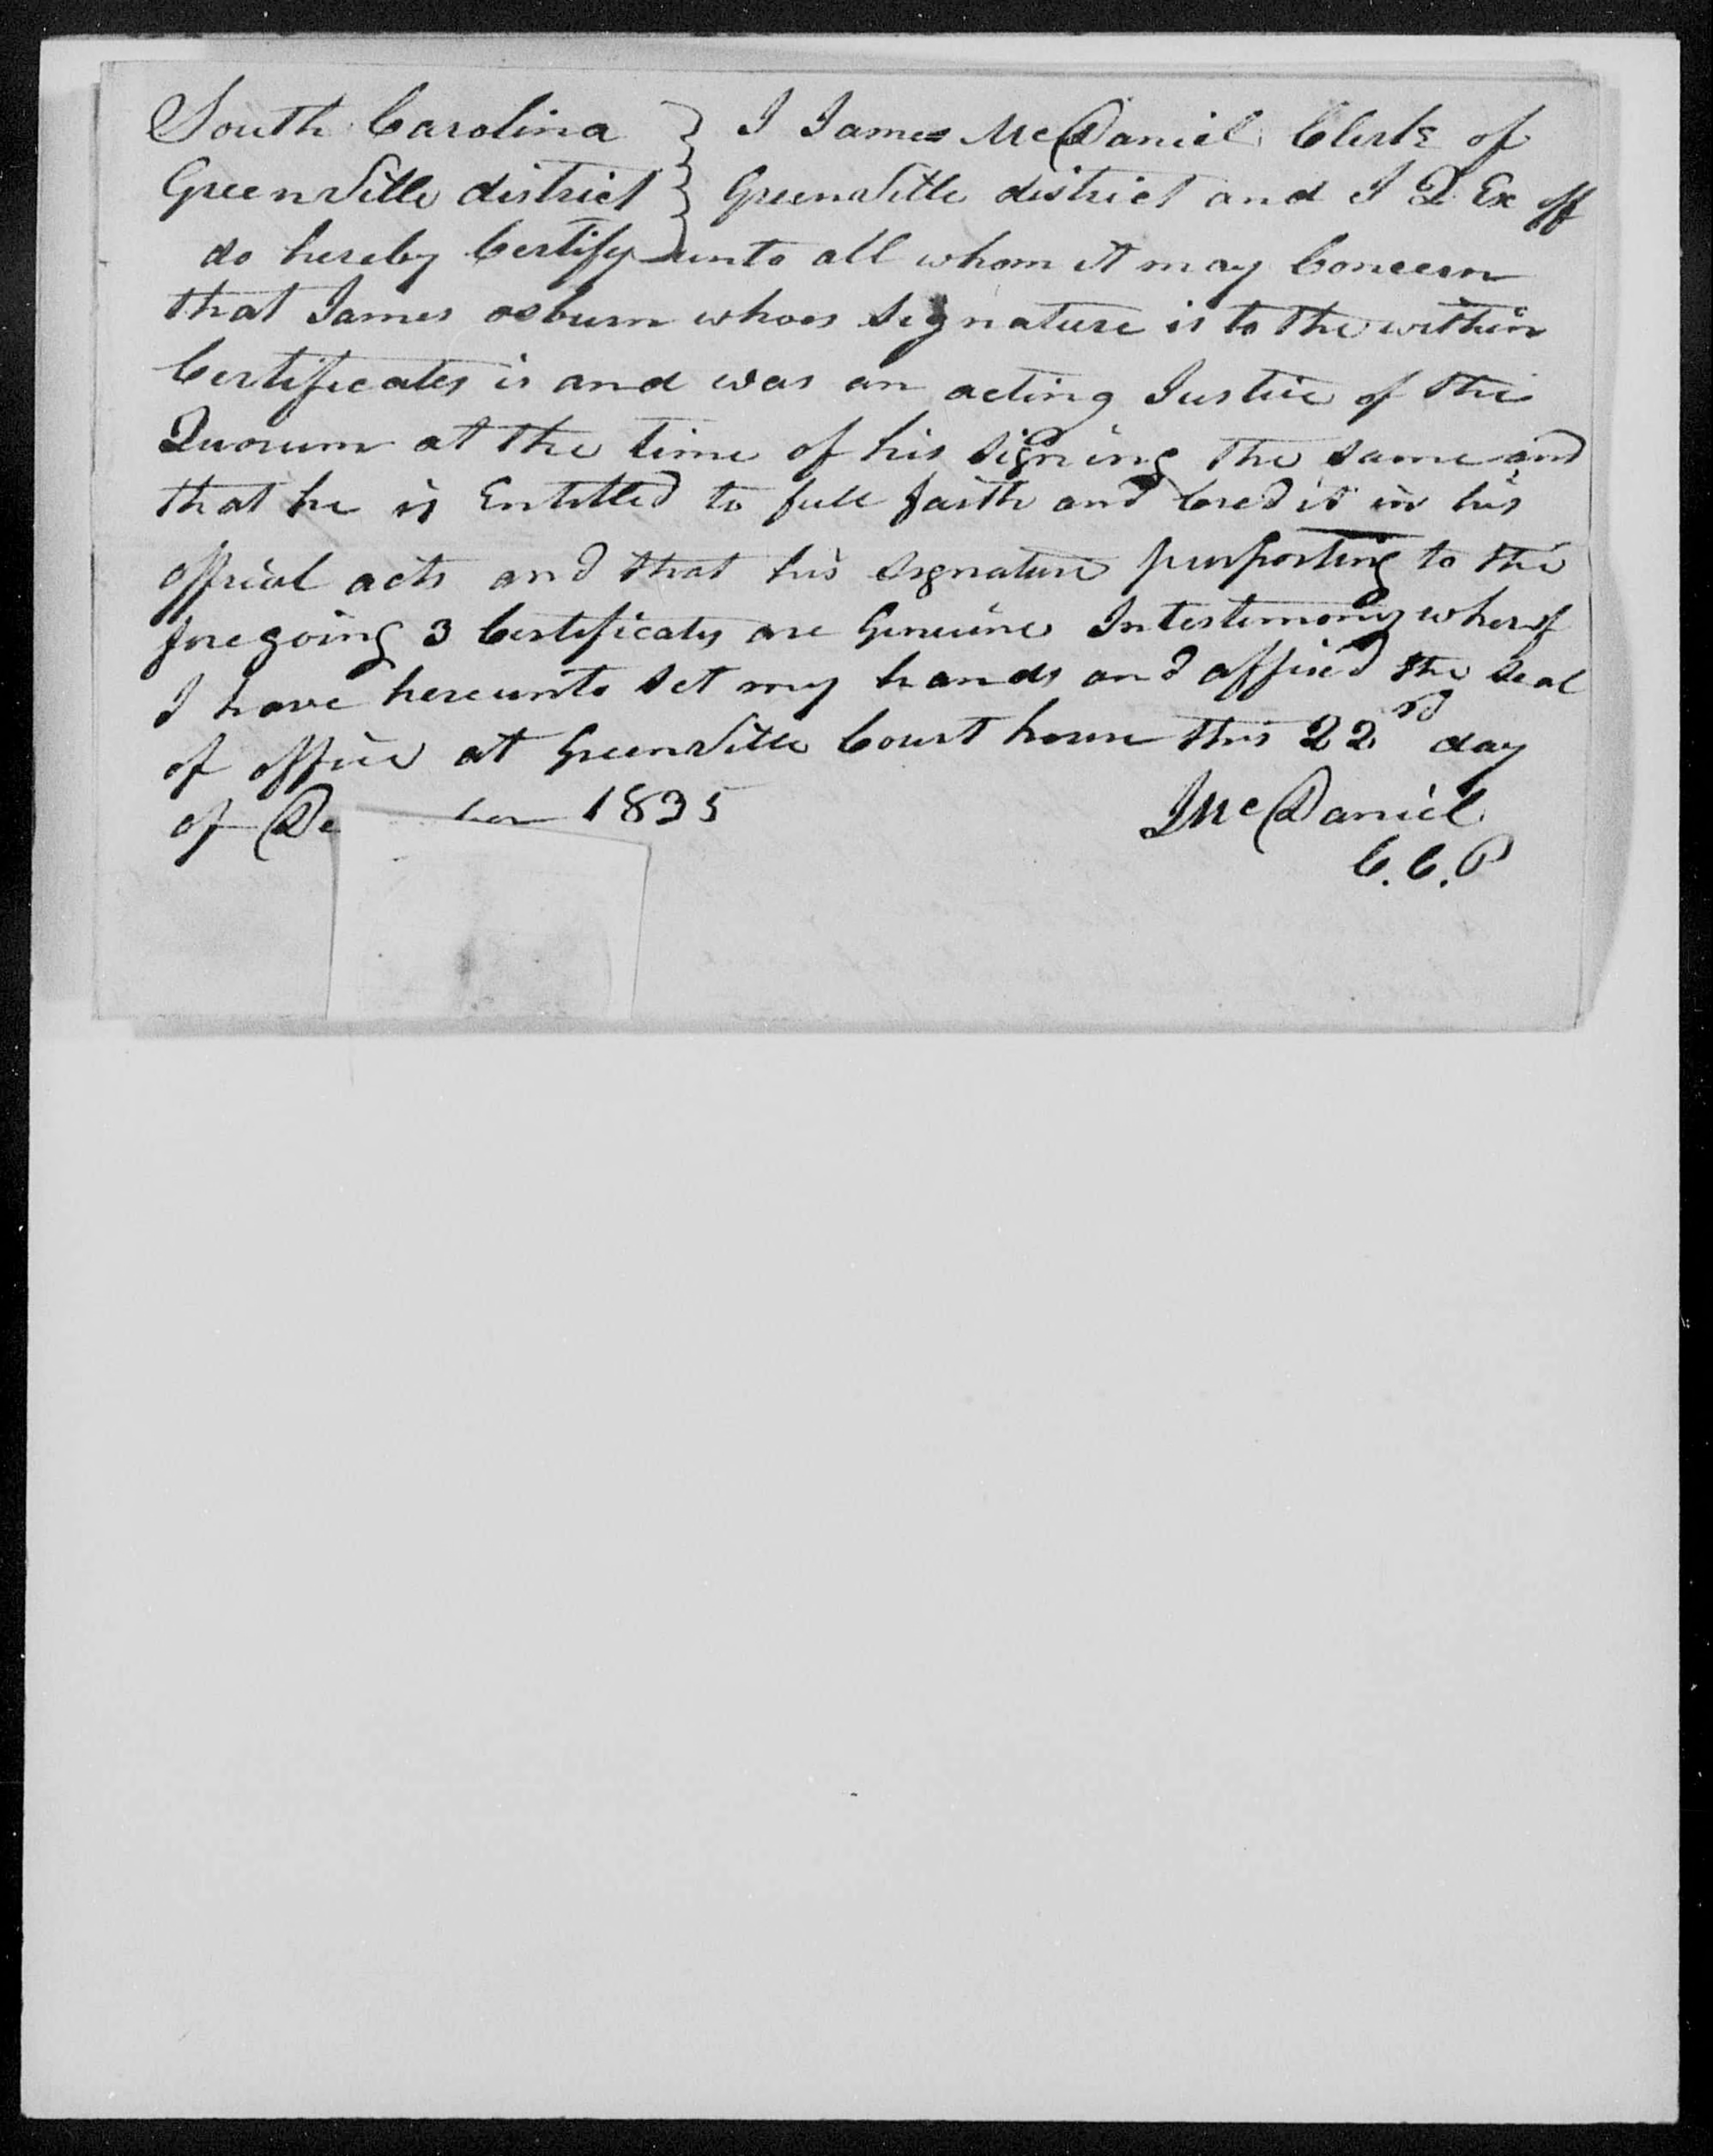South Carolina Greenville district 
I James McDaniel Clerk of Greenville district and J Q Ex off
do hereby Certify unto all whom it may Concern
that James Osborn whose signature is to the within
certificates is and was an acting Justice of this 
Quorum at the time of his signing the same and
that he is entitled to full faith and credit is in his
official acts and that his signature purporting to this
foregoing 3 certificates are genuine in testimony whereof 
I have hereunto set my hands and affixed the seal
of office at Greenville Court has on this 22nd day 
of December 1835
McDaniel 
C.C.P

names: James Mc Daniel, James Osburn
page: 64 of 75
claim: widow's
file: W. 25805, Andrew Hughes, N.C.